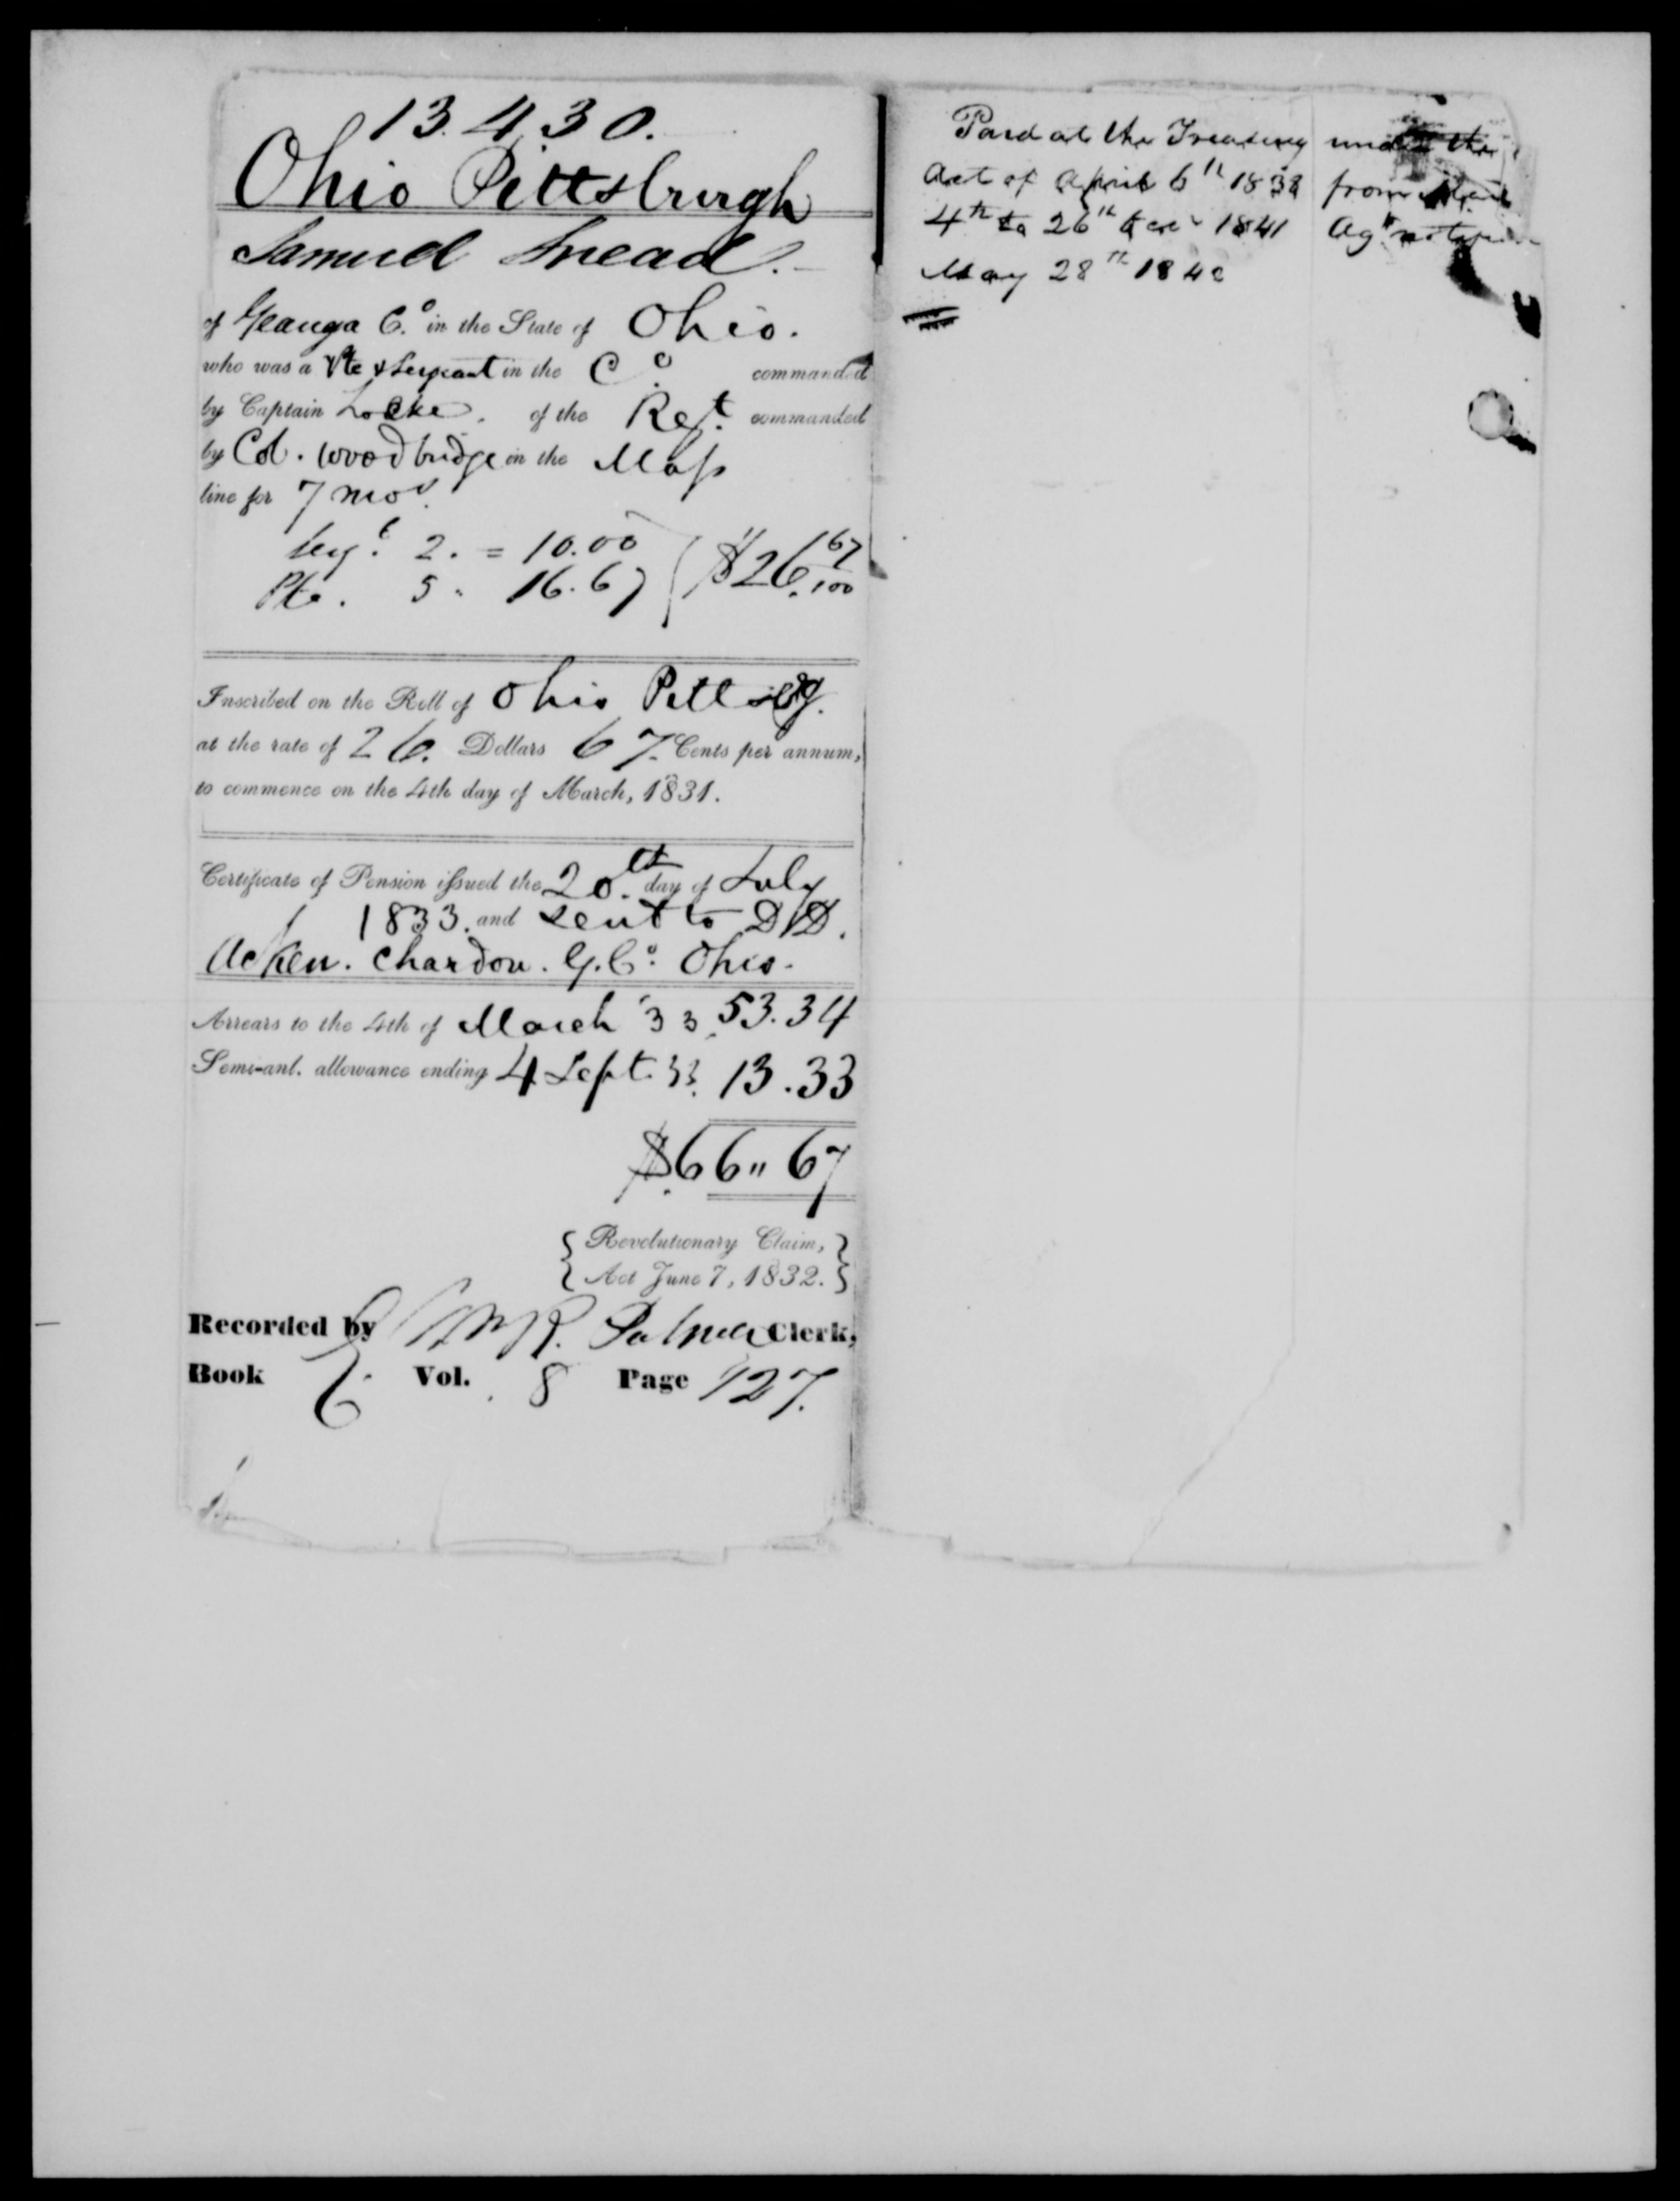13430
Ohio Pittsburgh
Samuel Snead.
of Geauga Co. in the State of Ohio
who was a [illegible] and sergeant in the Co commanded by Captain Locke of the Regt commanded by Col. Woodbridge in the Mass
line for 7 mos.

Seg. 2. =10.00> $26.67/100
 Pte. 5 = 16.67>

Inscribed on the Roll of Ohio Pittsburgh
at the rate of 26 Dollars 67 Cents per annum,
to commence on the 4th day of March, 1831.

Certificate of Pension issued the 20th day of July 1833 and sent to D D. 
Acken. Chardon. G. Co. Ohio.

Arrears to the 4th of March '33,                 53.34
Semi-anl. allowance ending 4 Sept 33      13.33
                                                                      $66.67
                                  {Revolutionary Claim,}
                                  {Act June 7, 1832.}

Recorded by Wm R. Palmer Clerk.

Paid at the Treasury under the
Act of April 6th 1838 from March
4th to 26th [illegible] 1841  Ag [illegible]
May 28th 1842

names: D D Acken; Wm R Palmer; [BLANK] Locke; [BLANK] Woodbridge; Samuel Snead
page: 2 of 18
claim: survivor's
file: S. 18,605, for Samuel Smead, Massachusetts